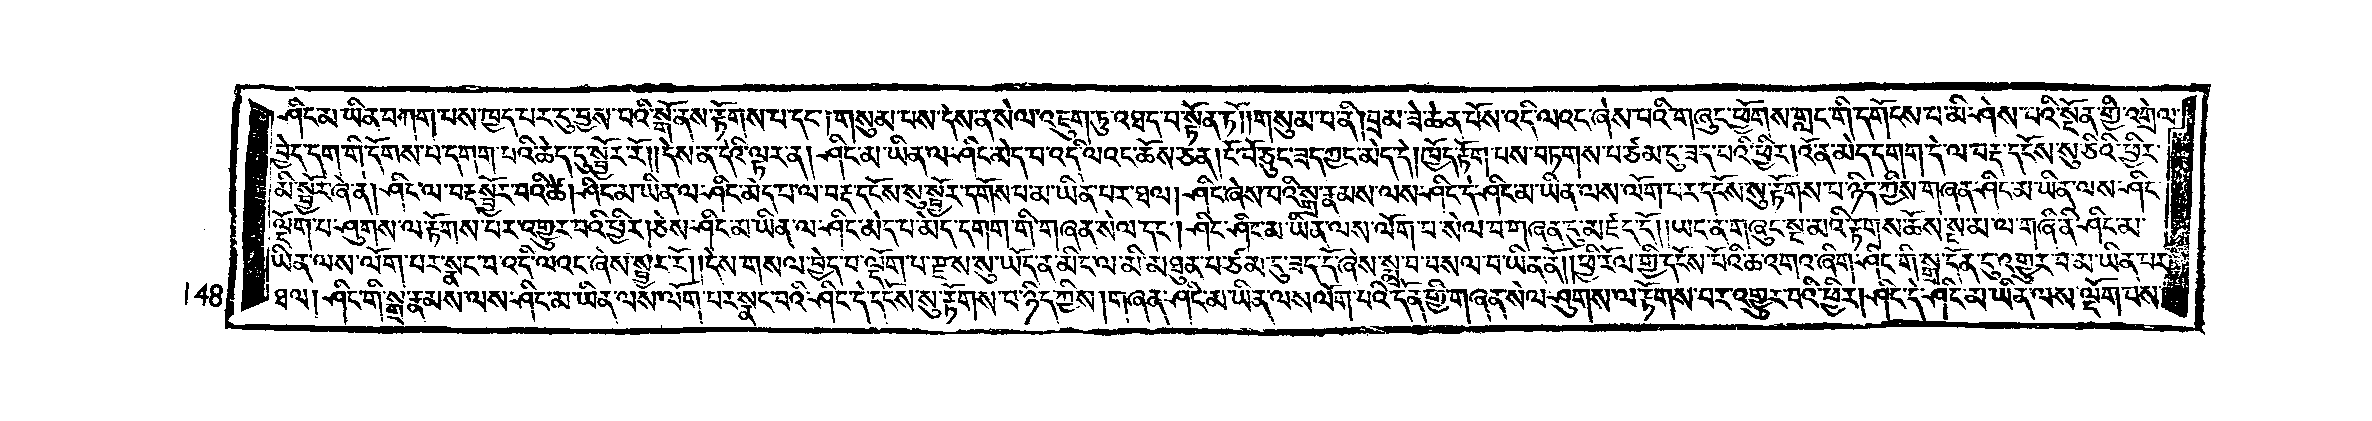ཤིང་མ་ཡིན་བཀག་པས་ཁྱད་པར་དུ་བྱས་པའི་སྒོ་ནས་རྟོགས་པ་དང་། གསུམ་པས་དེས་ན་སེལ་འཇུག་ཏུ་འཐད་པ་སྟོན་ཏོ། །གསུམ་པ་ནི། བྲམ་ཟེ་ཆེན་པོས་འདི་ལའང་ཞེས་པའི་གཞུང་ཕྱོགས་གླང་གི་དགོངས་པ་མི་ཤེས་པའི་སྔོན་གྱི་འགྲེལ་
བྱེད་དག་གི་དོགས་པ་དགག་པའི་ཆེད་དུ་སྦྱོར་རོ། །དེས་ན་དེའི་ལྟར་ན། ཤིང་མ་ཡིན་ལ་ཤིང་མེད་པ་འདི་ལའང་ཆོས་ཅན། ངོ་བོ་ཅུང་ཟད་ཀྱང་མེད་དེ། ཁྱོད་རྟོག་པས་བཏགས་པ་ཙམ་དུ་ཟད་པའི་ཕྱིར། འོ་ན་མེད་དགག་དེ་ལ་བརྡ་དངོས་སུ་ཅིའི་ཕྱིར་
མི་སྦྱོར་ཞེ་ན། ཤིང་ལ་བརྡ་སྦྱོར་བའི་ཚེ། ཤིང་མ་ཡིན་ལ་ཤིང་མེད་པ་ལ་བརྡ་དངོས་སུ་སྦྱོར་དགོས་པ་མ་ཡིན་པར་ཐལ། ཤིང་ཞེས་པའི་སྒྲ་རྣམས་ལས་ཤིང་དེ་ཤིང་མ་ཡིན་ལས་ལོག་པར་དངོས་སུ་རྟོགས་པ་ཉིད་ཀྱིས་གཞན་ཤིང་མ་ཡིན་ལས་ཤིང་
ལྡོག་པ་ཤུགས་ལ་རྟོགས་པར་འགྱུར་བའི་ཕྱིར། ཅེས་ཤིང་མ་ཡིན་ལ་ཤིང་མེད་པ་མེད་དགག་གི་གཞན་སེལ་དང་། ཤིང་ཤིང་མ་ཡིན་ལས་ལོག་པ་སེལ་བ་གཞན་དུ་མཛད་དོ། །ཡང་ན་གཞུང་སྔ་མའི་རྟགས་ཆོས་སྔ་མ་ལ་གཞི་ནི་ཤིང་མ་
ཡིན་ལས་ལོག་པར་སྣང་བ་འདི་ལའང་ཞེས་སྦྱར་རོ། །དེས་གསལ་བྱེད་པ་ལྡོག་པ་རྫས་སུ་ཡོད་ན་མིང་ལ་མི་མཐུན་པ་ཙམ་དུ་ཟད་དོ་ཞེས་སྨྲ་བ་བསལ་བ་ཡིན་ནོ། །ཕྱི་རོལ་གྱི་དངོས་པོའི་ཆ་འགའ་ཞིག་ཤིང་གི་སྒྲ་དོན་དུ་འགྱུར་བ་མ་ཡིན་པར་
ཐལ། ཤིང་གི་སྒྲ་རྣམས་ལས་ཤིང་མ་ཡིན་ལས་ལོག་པར་སྣང་བའི་ཤིང་དེ་དངོས་སུ་རྟོགས་པ་ཉིད་ཀྱིས། གཞན་ཤིང་མ་ཡིན་ལས་ལོག་པའི་དོན་གྱི་གཞན་སེལ་ཤུགས་ལ་རྟོགས་པར་འགྱུར་བའི་ཕྱིར། ཤིང་དེ་ཤིང་མ་ཡིན་ལས་ལྡོག་པས་